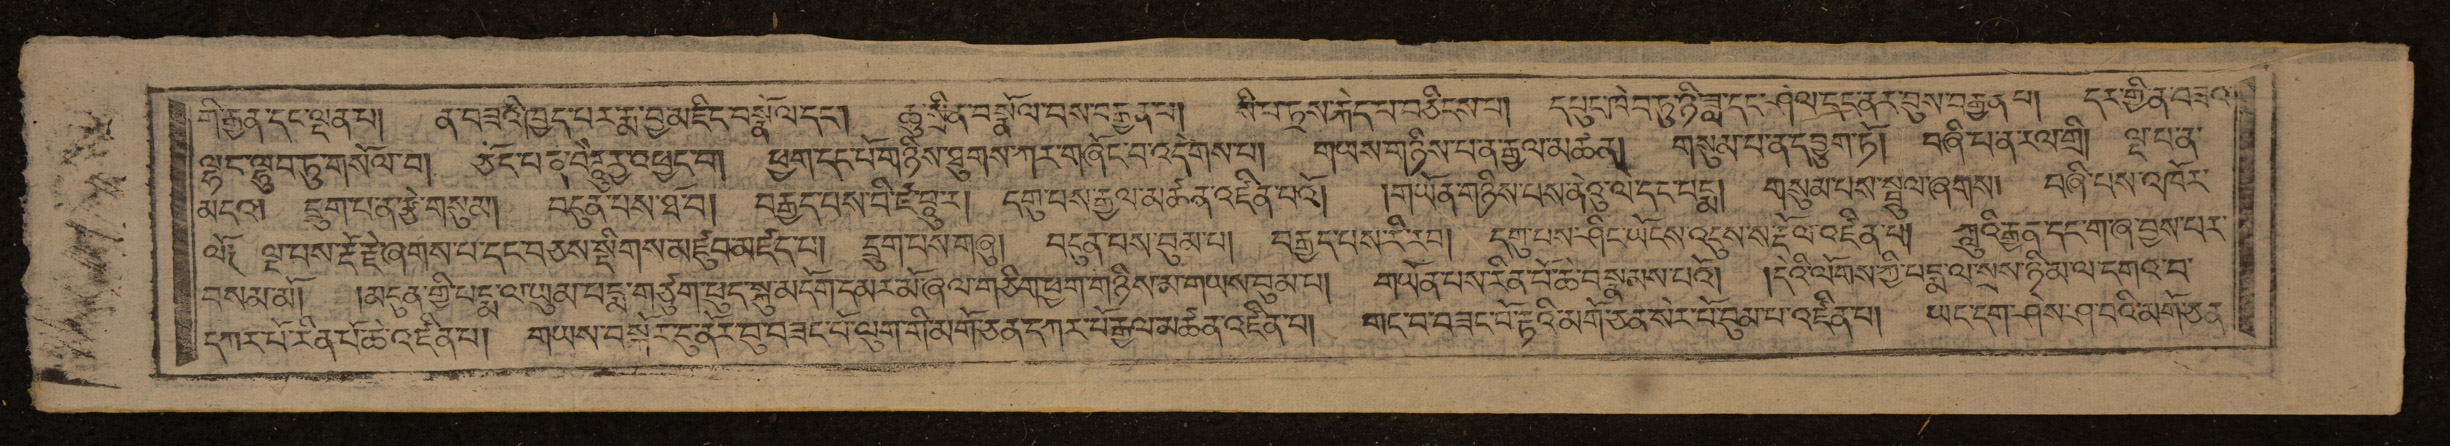གི་རྒྱན་དང་ལྡན་པ། ན་བཟའི་ཁྱད་པར་རྨ་བྱ་མཇིད་བསྣོལ་དང་། ཆུ་སྲིན་བསྣོལ་བས་བརྒྱན་པ། སི་པ་ཏྲས་རྐེད་པ་བཅིངས་པ། དཔུང་ཁེབ་ཏུ་ཉི་ཟླ་དང་ཤེལ་དང་ནོར་བུས་བརྒྱན་པ། དར་གྱི་ན་བཟའ་
ལྷང་ལྷུབ་ཏུ་གསོལ་བ། ཅོད་པཎ་བཻཌཱུརྱ་འཕྱང་བ། ཕྱག་དང་པོ་གཉིས་ཐུགས་ཀར་གཞོང་བ་འདེགས་པ། གཡས་གཉིས་པ་ན་རྒྱལ་མཚན། གསུམ་པ་ན་དབྱུག་ཏོ། བཞི་པ་ན་རལ་གྲི། ལྔ་པ་ན་
མདའ། དྲུག་པ་ན་རྩེ་གསུམ། བདུན་པས་ཐོ་བ། བརྒྱད་པས་བི་ཛ་པཱུ་ར། དགུ་པས་རྒྱལ་མཚན་འཛིན་པའོ། །གཡོན་གཉིས་པས་ནེའུ་ལེ་དང་པདམ། གསུམ་པས་སྦྲུལ་ཞགས། བཞི་པས་འཁོར་
ལོ༑ ལྔ་པས་རྡོ་རྗེ་ཞགས་པ་དང་བཅས་སྡིགས་མཛུབ་མཛད་པ། དྲུག་པས་གཞུ། བདུན་པས་བུམ་པ། བརྒྱད་པས་རི་རབ། དགུ་པས་ཤིང་ཡོངས་འདུས་ས་རྡོལ་འཛིན་པ། ཀླུའི་རྒྱན་དང་ག་ཞ་བྱས་པར་
བསམ་མོ། །མདུན་གྱི་པདམ་ལ་ཡུམ་པདམ་གཙུག་ཕུད་སྐུ་མདོག་དམར་མོ་ཞལ་གཅིག་ཕྱག་གཉིས་མ་གཡས་བུམ་པ། གཡོན་པས་རིན་པོ་ཆེ་བསྣམས་པའོ། །དེའི་ལོགས་ཀྱི་པདམ་ལ་སྲས་ཉི་མ་ལ་དགའ་བ་
དཀར་པོ་རིན་པོ་ཆེ་འཛིན་པ། གཡས་བསྐོར་དུ་ནོར་བུ་བཟང་པོ་ལུག་གི་མགོ་ཅན་དཀར་པོ་རྒྱལ་མཚན་འཛིན་པ། གང་བ་བཟང་པོ་རྟའི་མགོ་ཅན་སེར་པོ་བུམ་པ་འཛིན་པ། ཡང་དག་ཤེས་ཤ་བའི་མགོ་ཅན་